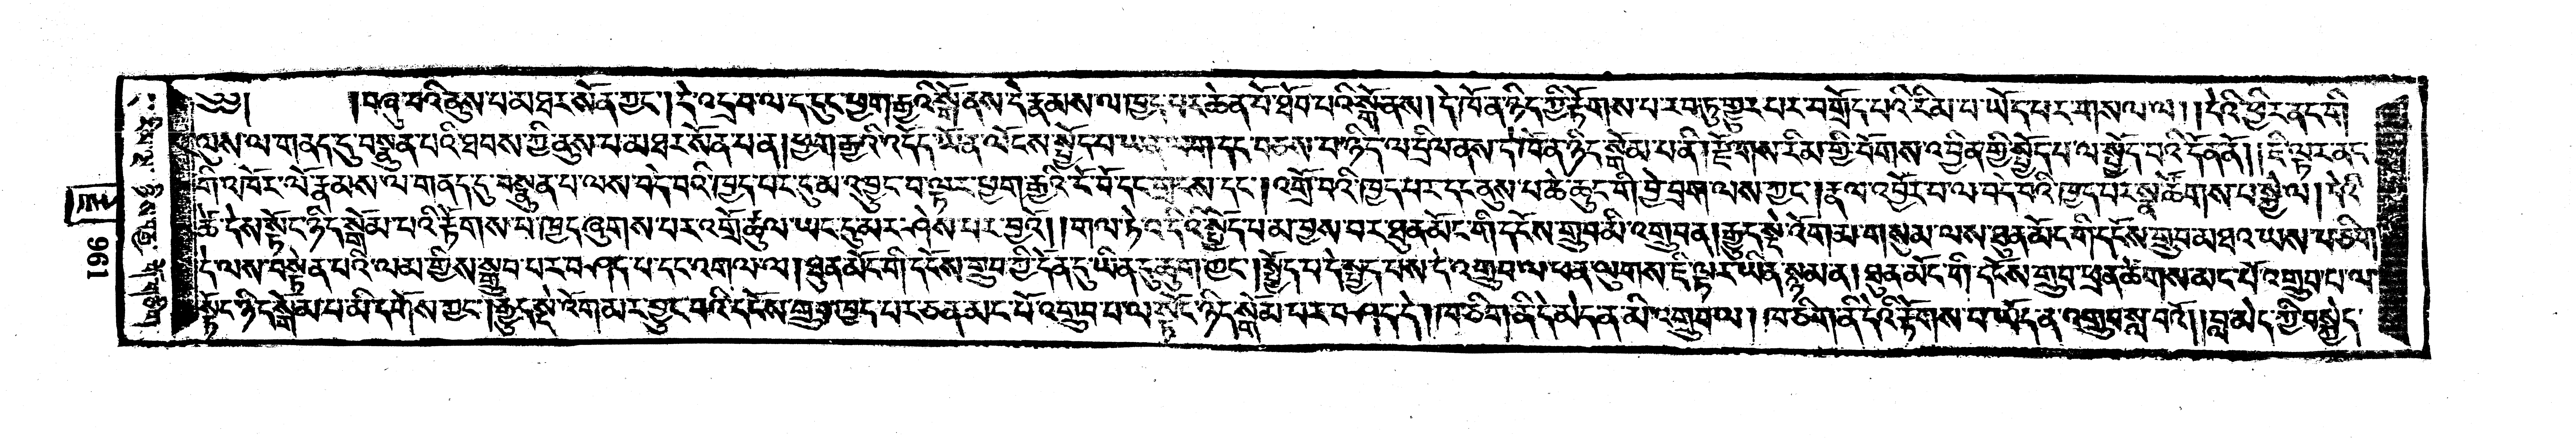༄༅། །བཞུ་བའི་ནུས་པ་མཐར་སོན་ཀྱང་། དེ་འདྲ་བ་ལ་ད་དུང་ཕྱག་རྒྱའི་སྒོ་ནས་དེ་རྣམས་ལ་ཁྱད་པར་ཆེན་པོ་ཐོབ་པའི་སྒོ་ནས། དེ་ཁོ་ན་ཉིད་ཀྱི་རྟོགས་པ་རབ་ཏུ་གྱུར་པར་བགྲོད་པའི་རིམ་པ་ཡོད་པར་གསལ་ལོ། །དེའི་ཕྱིར་ནང་གི་
ལུས་ལ་གནད་དུ་བསྣུན་པའི་ཐབས་ཀྱི་ནུས་པ་མཐར་སོན་པ་ན། ཕྱག་རྒྱའི་འདོད་ཡོན་ལོངས་སྤྱོད་པ་ཡན་ལག་དང་བཅས་པ་ཉིད་ལ་དྲིལ་ནས་དེ་ཁོ་ན་ཉིད་སྒོམ་པ་ནི། རྫོགས་རིམ་གྱི་བོགས་འབྱིན་གྱི་སྤྱོད་པ་ལ་སྤྱོད་པའི་དོན་ནོ། །ཇི་ལྟར་ནང་
གི་འཁོར་ལོ་རྣམས་ལ་གནད་དུ་བསྣུན་པ་ལས་བདེ་བའི་ཁྱད་པར་དུ་མ་འབྱུང་བ་ལྟར་ཕྱག་རྒྱའི་ངོ་བོ་དང་གྲངས་དང་། འགྲོ་བའི་ཁྱད་པར་དང་ནུས་པ་ཆེ་ཆུང་གི་བྱེ་བྲག་ལས་ཀྱང་། རྣལ་འབྱོར་པ་ལ་བདེ་བའི་ཁྱད་པར་སྣ་ཚོགས་པ་སྐྱེ་ལ། དེའི་
ཚེ་དེས་སྟོང་ཉིད་སྒོམ་པའི་རྟོགས་པ་ཁྱད་ཞུགས་པར་འགྲོ་ཚུལ་ཡང་དུ་མར་ཤེས་པར་བྱའོ། །གལ་ཏེ་འདིའི་སྤྱོད་པ་མ་བྱས་པར་ཐུན་མོང་གི་དངོས་གྲུབ་མི་འགྲུབ་ན། རྒྱུད་སྡེ་འོག་མ་གསུམ་ལས་ཐུན་མོང་གི་དངོས་གྲུབ་མཐའ་ཡས་པ་ཅིག་
དེ་ལས་བསྟན་པའི་ལམ་གྱིས་སྒྲུབ་པར་བཤད་པ་དང་འགལ་ལ། ཐུན་མོང་གི་དངོས་གྲུབ་ཀྱི་དོན་དུ་ཡིན་དུ་ཆུག་ཀྱང་། སྤྱོད་པ་དེ་སྤྱད་པས་དེ་འགྲུབ་ལ་ཕན་ལུགས་ཇི་ལྟར་ཡིན་སྙམ་ན། ཐུན་མོང་གི་དངོས་གྲུབ་ཕྲན་ཆགས་མང་པོ་འགྲུབ་པ་ལ་
སྟོང་ཉིད་སྒོམ་པ་མི་དགོས་ཀྱང་། རྒྱུད་སྡེ་འོག་མར་བྱུང་བའི་དངོས་གྲུབ་ཁྱད་པར་ཅན་མང་པོ་འགྲུབ་པ་ལ་སྟོང་ཉིད་སྒོམ་པར་བཤད་དེ། ཁ་ཅིག་ནི་དེ་མེད་ན་མི་འགྲུབ་ལ། ཁ་ཅིག་ནི་དེའི་རྟོགས་པ་ཡོད་ན་འགྲུབ་སླ་བའོ། །བླ་མེད་ཀྱི་བསྐྱེད་